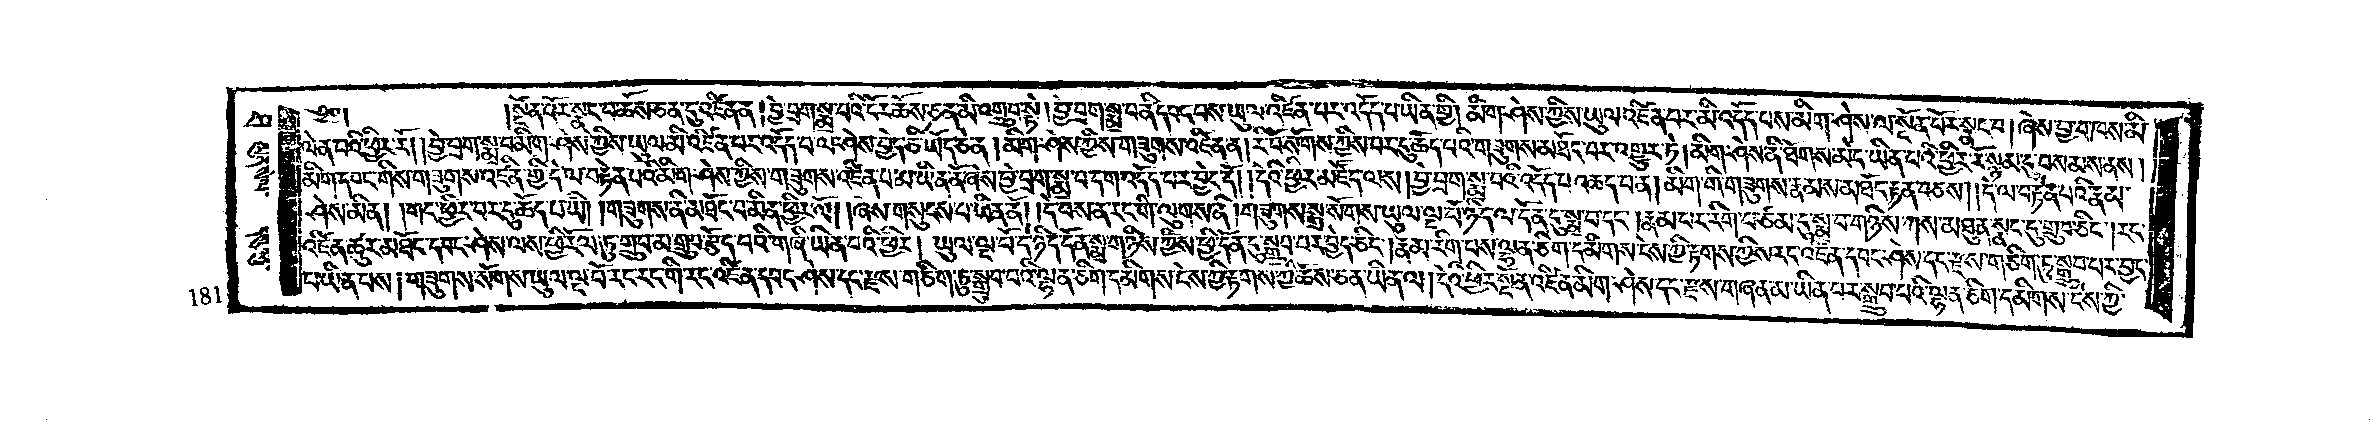༄༅། །སྔོན་པོར་སྣང་བ་ཆོས་ཅན་དུ་འཛིན་ན། བྱེ་བྲག་སྨྲ་བའི་ངོར་ཆོས་ཅན་མི་འགྲུབ་སྟེ། བྱེ་བྲག་སྨྲ་བ་ནི་དབང་བས་ཡུལ་འཛིན་པར་འདོད་པ་ཡིན་གྱི། མིག་ཤེས་ཀྱིས་ཡུལ་འཛིན་པར་མི་འདོད་པས་མིག་ཤེས་ལ་སྔོན་པོར་སྣང་བ། ཞེས་བྱ་བ་ཁས་མི་
ལེན་པའི་ཕྱིར་རོ། །བྱེ་བྲག་སྨྲ་བ་མིག་ཤེས་ཀྱིས་ཡུལ་མི་འཛིན་པར་འདོད་པ་ལ་ཤེས་བྱེད་ཅི་ཡོད་ཅེ་ན། མིག་ཤེས་ཀྱིས་གཟུགས་འཛིན་ན། རི་བོ་སོགས་ཀྱིས་བར་དུ་ཆོད་པའི་གཟུགས་མཐོང་བར་འགྱུར་ཏེ། མིག་ཤེས་ནི་ཐོགས་མེད་ཡིན་པའི་ཕྱིར་རོ་སྙམ་དུ་བསམས་ནས།
མིག་དབང་གིས་གཟུགས་འཛིན་གྱི་དེ་ལ་བརྟེན་པའི་མིག་ཤེས་ཀྱིས་གཟུགས་འཛིན་པ་མ་ཡིན་ནོ་ཞེས་བྱེ་བྲག་སྨྲ་བ་དག་འདོད་པར་བྱེད་དོ། །དེའི་ཕྱིར་མཛོད་ལས། བྱེ་བྲག་སྨྲ་བའི་འདོད་པ་འཆད་པ་ན། མིག་གི་གཟུགས་རྣམས་མཐོང་རྟན་བཅས། །དེ་ལ་བརྟེན་པའི་རྣམ་
ཤེས་མིན། །གང་ཕྱིར་བར་དུ་ཆོད་པ་ཡི། །གཟུགས་ནི་མཐོང་བ་མིན་ཕྱིར་ལོ། །ཞེས་གསུངས་པ་ཡིན་ནོ། །དེ་བས་ན་རང་གི་ལུགས་ནི། གཟུགས་སྒྲ་སོགས་ཡུལ་ལྔ་པོ་ཉིད་ལ་དོན་དུ་སྨྲ་བ་དང་། རྣམ་པར་རིག་པ་ཙམ་དུ་སྨྲ་བ་གཉིས་ཀས་མཐུན་སྣང་དུ་གྲུབ་ཅིང་། རང་
འཛིན་ཆུར་མཐོང་དབང་ཤེས་ལས་ཕྱི་རོལ་ཏུ་གྲུབ་མ་གྲུབ་རྩོད་པའི་གཞི་ཡིན་པའི་ཕྱིར། ཡུལ་ལྔ་པོ་དེ་ཉིད་དོན་སྨྲ་གཉིས་ཀྱིས་ཕྱི་དོན་དུ་སྒྲུབ་པར་བྱེད་ཅིང་། རྣམ་རིག་པས་ལྷན་ཅིག་དམིགས་ངེས་ཀྱི་རྟགས་ཀྱིས་རང་འཛིན་དབང་ཤེས་དང་རྫས་གཅིག་ཏུ་སྒྲུབ་པར་བྱད་
པ་ཡིན་པས། གཟུགས་སོགས་ཡུལ་ལྔ་པོ་རང་རང་གི་རང་འཛིན་དབང་ཤེས་དང་རྫས་གཅིག་ཏུ་སྒྲུབ་པའི་ལྷན་ཅིག་དམིགས་ངེས་ཀྱི་རྟགས་ཀྱི་ཆོས་ཅན་ཡིན་ལ། དེའི་ཕྱིར་སྔོན་འཛིན་མིག་ཤེས་དང་རྫས་གཞན་མ་ཡིན་པར་སྒྲུབ་པའི་ལྷན་ཅིག་དམིགས་ངེས་ཀྱི་